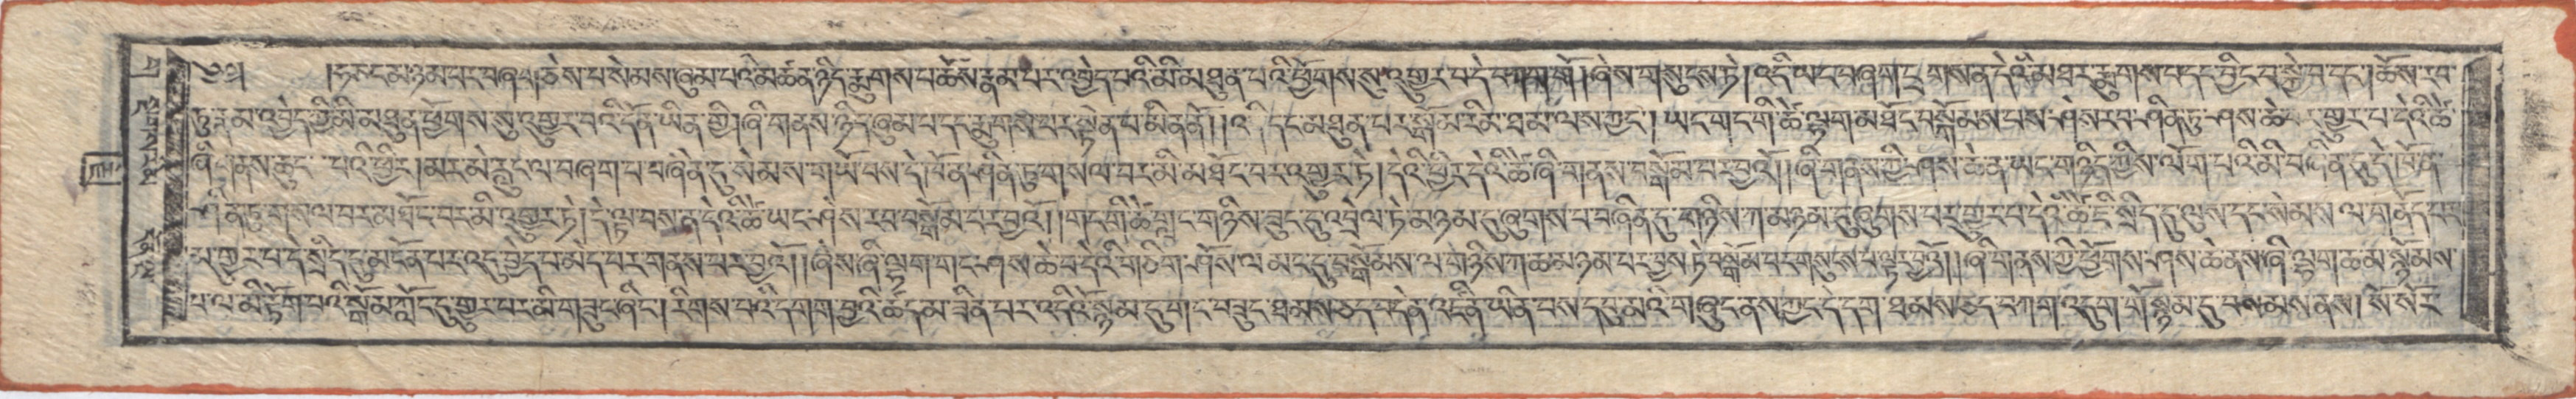༄༅། །ཧ་ཅང་མཉམ་པར་བཞག་ཅེས་པ་སེམས་ཞུམ་པའི་མཚན་ཉིད་རྨུགས་པ་ཆོས་རྣམ་པར་འབྱེད་པའི་མི་མཐུན་པའི་ཕྱོགས་སུ་འགྱུར་བ་དེ་བཀག་གོ །ཞེས་གསུངས་ཏེ། འདི་ཡང་བཞག་དྲགས་ན་དེའི་མཐར་རྨུགས་པ་དང་བྱིང་བ་སྐྱེ་བ་དང་། ཆོས་རབ་
ཏུ་རྣམ་འབྱེད་ཀྱི་མི་མཐུན་ཕྱོགས་སུ་འགྱུར་བའི་དོན་ཡིན་གྱི། ཞི་གནས་ཉིད་ཞུམ་པ་དང་རྨུགས་པར་སྟེན་པ་མིན་ནོ། །འདི་དང་མཐུན་པར་སྒོམ་རིམ་ཐ་མ་ལས་ཀྱང་། ཡང་གང་གི་ཚེ་ལྷག་མཐོང་བསྒོམས་པས་ཤེས་རབ་ཤིན་ཏུ་ཤས་ཆེ་བར་གྱུར་པ་དེའི་ཚེ་
ཞི་གནས་ཆུང་པའི་ཕྱིར། མར་མེ་རླུང་ལ་བཞག་པ་བཞིན་དུ་སེམས་གཡོ་བས་དེ་ཁོ་ན་ཤིན་ཏུ་གསལ་བར་མི་མཐོང་བར་འགྱུར་ཏེ། དེའི་ཕྱིར་དེའི་ཚེ་ཞི་གནས་བསྒོམ་པར་བྱའོ། །ཞི་གནས་ཀྱི་ཤས་ཆེ་ན་ཡང་གཉིད་ཀྱིས་ལོག་པའི་མི་བཞིན་དུ་དེ་ཁོ་ན་
ཤིན་ཏུ་གསལ་བར་མཐོང་བར་མི་འགྱུར་ཏེ། དེ་ལྟ་བས་ན་དེའི་ཚེ་ཡང་ཤེས་རབ་བསྒོམ་པར་བྱའོ། །གང་གི་ཚེ་གླང་གཉིས་ཟུང་དུ་འབྲེལ་ཏེ་མཉམ་དུ་ཞུགས་པ་བཞིན་དུ་གཉིས་ཀ་མཉམ་དུ་ཞུགས་པར་གྱུར་པ་དེའི་ཚེ་ཇི་སྲིད་དུ་ལུས་དང་སེམས་ལ་གནོད་པར་
མ་གྱུར་པ་དེ་སྲིད་དུ་མངོན་པར་འདུ་བྱེད་པ་མེད་པར་གནས་པར་བྱའོ། །ཞེས་ཞི་ལྷག་གང་ཤས་ཆེ་བ་དེའི་གཅིག་ཤོས་ལ་མང་དུ་བསྒོམས་ལ་གཉིས་ཀ་ཆ་མཉམ་པར་བྱས་ཏེ་བསྒོམ་པར་གསུངས་པ་ལྟར་བྱའོ། །ཞི་གནས་ཀྱི་ཕྱོགས་ཤས་ཆེ་ནས་ཞི་ལྷག་ཆ་མ་སྙོམས་
པ་ལ་མི་རྟོག་པའི་སྒོམ་ཀློང་དུ་གྱུར་པར་མི་གཟུང་ཞིང་།རིགས་པའི་དགག་བྱའི་ཚད་མ་ཟིན་པར་འདིའོ་སྙམ་དུ་གང་བཟུང་ཐམས་ཅད་བདེན་འཛིན་ཡིན་པས་དབུ་མའི་གཞུང་ནས་ཀྱང་དེ་དག་ཐམས་ཅད་བཀག་འདུག་གོ་སྙམ་དུ་བསམས་ནས། སོ་སོར་